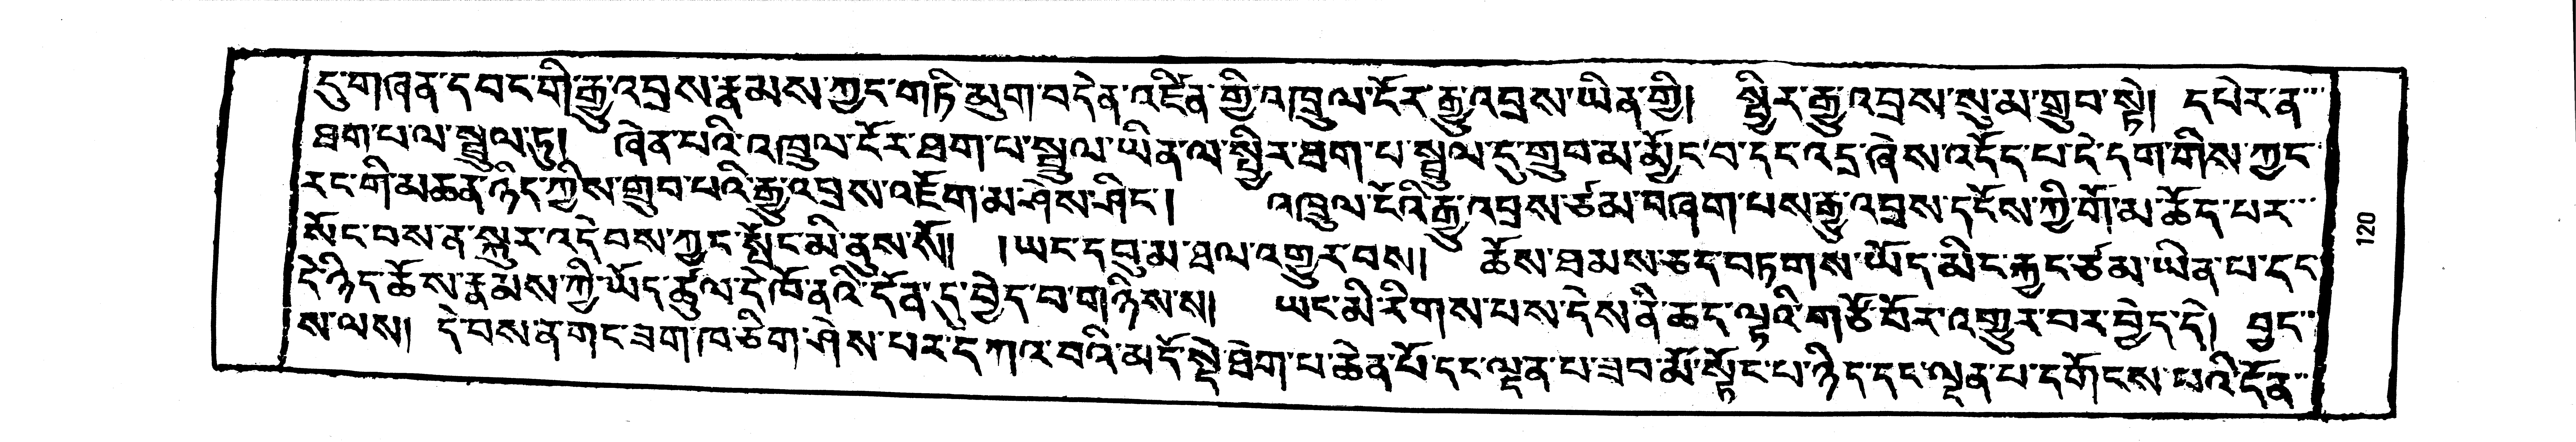དུ་གཞན་དབང་གི་རྒྱུ་འབྲས་རྣམས་ཀྱང་གཏི་མུག་བདེན་འཛིན་གྱི་འཁྲུལ་ངོར་རྒྱུ་འབྲས་ཡིན་གྱི། སྤྱིར་རྒྱུ་འབྲས་སུ་མ་གྲུབ་སྟེ། དཔེར་ན་
ཐག་པ་ལ་སྦྲུལ་ཏུ། ཞེན་པའི་འཁྲུལ་ངོར་ཐག་པ་སྤྲུལ་ཡིན་ལ་སྤྱིར་ཐག་པ་སྤྲུལ་དུ་གྲུབ་མ་མྱོང་བ་དང་འདྲ་ཞེས་འདོད་པ་དེ་དག་གིས་ཀྱང་
རང་གི་མཚན་ཉིད་ཀྱིས་གྲུབ་པའི་རྒྱུ་འབྲས་འཇོག་མ་ཤེས་ཤིང་། འཁྲུལ་ངོའི་རྒྱུ་འབྲས་ཙམ་བཞག་པས་རྒྱུ་འབྲས་དངོས་ཀྱི་གོ་མ་ཆོད་པར་
སོང་བས་ན་སྐུར་འདེབས་ཀྱང་སྤོང་མི་ནུས་སོ། །ཡང་དབུ་མ་ཐལ་འགྱུར་བས། ཆོས་ཐམས་ཅད་བཏགས་ཡོད་མིང་རྐྱང་ཙམ་ཡིན་པ་དང་
དེ་ཉིད་ཆོས་རྣམས་ཀྱི་ཡོད་ཚུལ་དེ་ཁོ་ནའི་དོན་དུ་བྱེད་པ་གཉིས་ས། ཡང་མི་རིགས་པས་དེས་ནི་ཆད་ལྟའི་གཙོ་བོར་འགྱུར་བར་བྱེད་དེ། བྱང་
ས་ལས། དེ་བས་ན་གང་ཟག་ཁ་ཅིག་ཤེས་པར་དཀའ་བའི་མདོ་སྡེ་ཐེག་པ་ཆེན་པོ་དང་ལྡན་པ་ཟབ་མོ་སྟོང་པ་ཉིད་དང་ལྡན་པ་དགོངས་པའི་དོན་